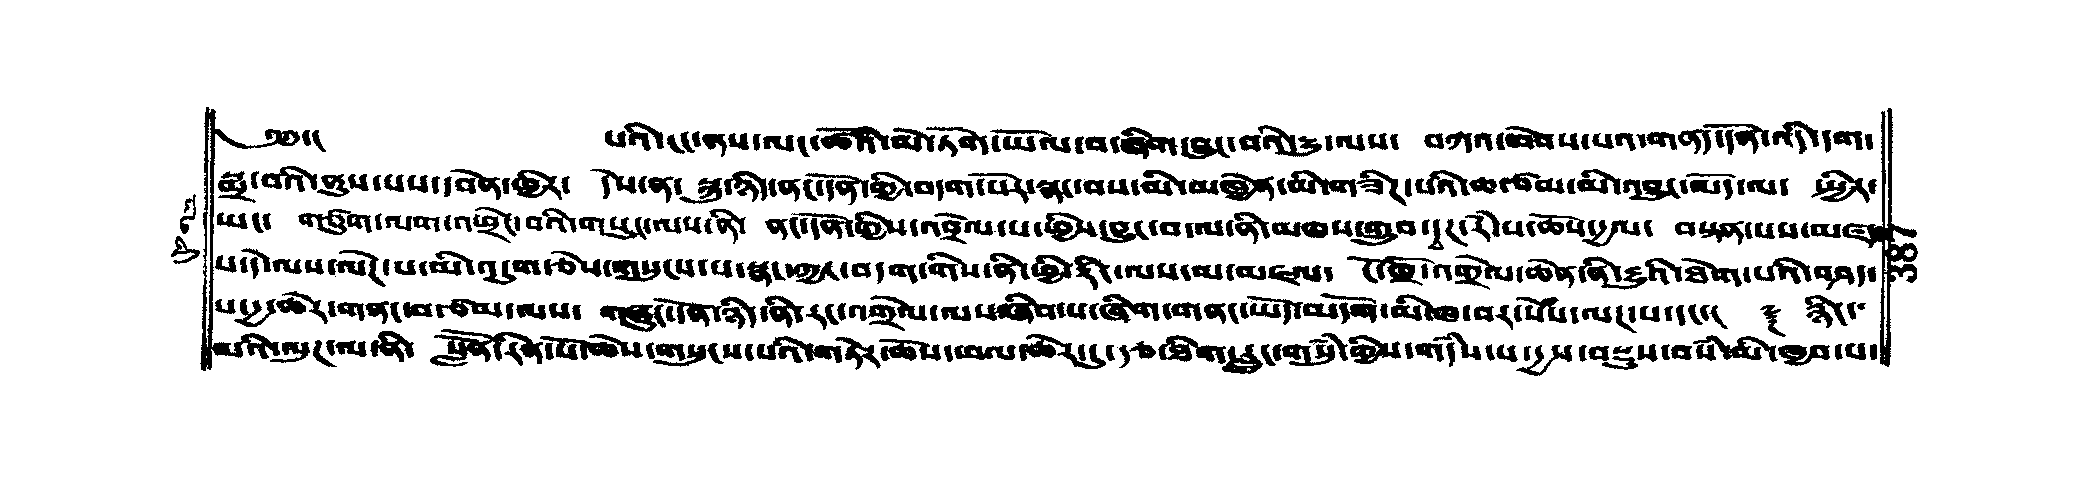པའི་ངང་ནས་ལང་ཚོའི་མེ་ཏོག་ཡོལ་བ་ཞིག་བྱུང་བའི་རྒྱུ་ལས། བཀའ་ཕེབས་པ་གནད་དོན་འདི་དག་
སྨྲ་བའི་ནུས་པས་དབེན་ཕྱིར། དེས་ན། སྐུ་ཉིད་ནང་དོན་གྱི་བདག་པོར་སྣང་བས་མི་མཁྱེན་མི་གཟིགས་པའི་ཆ་ཙམ་མི་འབྱུང་མོད་ལ། སྤྱིར་
ཡང་། གཙུག་ལག་འཕྲེང་བའི་གསུང་ལས་ནི། ནང་དོན་གྱིས་འགྲེལ་པ་ཕྱིས་བྱུང་བ་ལ་ནི་འཁས་གྲུབ་དྭགས་རམ་པ་ཆོས་རྒྱལ་བསྟན་པས་མཛད་
པ་དེ་ལས་ལེགས་པ་མི་འདུག་ཅེས་གསུངས་པ་སྣང་ཀྱང་བདག་གིས་ནི་ཕྱི་རྟིང་ལས་མ་མཇལ། ངོ་ཁྲོ་འགྲེལ་ཆེན་ནི་རྒྱུའི་ཐེག་པའི་བཤད་
པ་རྒྱ་ཆེར་གནང་བ་ཙམ་ལས། གཞུང་དོན་ཉིད་ནི་རང་འགྲེལ་ལས་ཞིབ་པ་ཞིག་གནང་ཡོད་མདོག་མི་ཁ་བར་སེམས་ལགས་པ་དང་། རྙིང་
མའི་ལུགས་ལ་ནི། སློབ་དཔོན་རིན་པོ་ཆེས་གསུངས་པའི་གཏེར་ཆོས་ཕལ་ཆེར་དུ་རྩ་ཐིག་རླུང་གསུམ་གྱིས་གདམས་པ་རྒྱས་བསྡུས་བསམ་མི་ཁྱབ་པ་